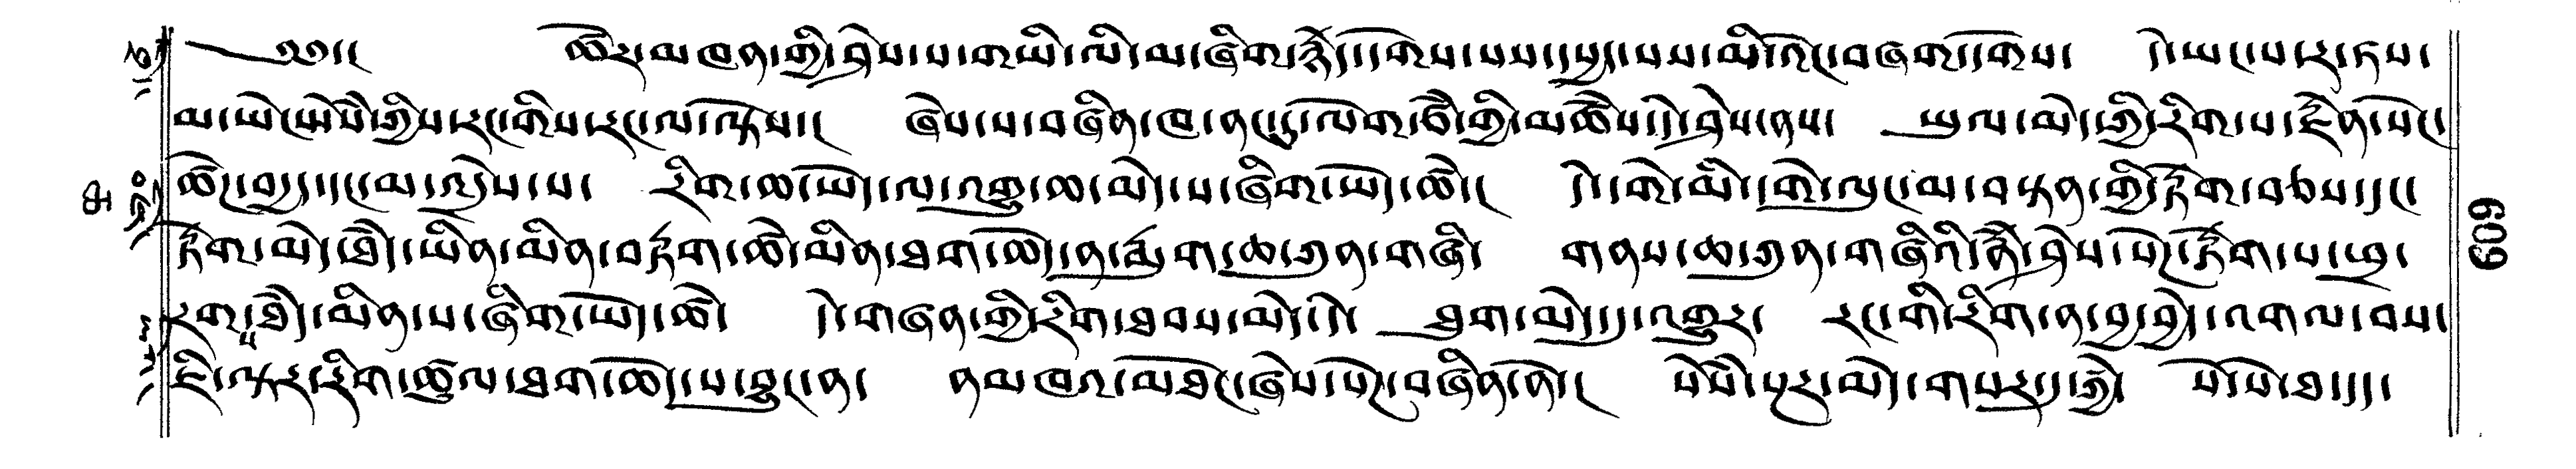ཚོར་མཁན་གྱི་ཤེས་པ་ གཡི་ལི་མ་ སྦི་ལི་མ་ཞིག་རྙེད་དགོས་པས་དཔྱད་པས་མི་འོང་བཞག་དགོས། དེ་ཡང་ས་ར་ཧས། 
མ་ཡེངས་སེམས་ཀྱིས་རང་གི་རང་ལ་ལྟོས། ཞེས་པ་བཞིན་ཁ་ནང་དུ་ལོག་ཙམ་གྱི་མཚམས་དེ་ཤེས་ནས། ཡུལ་མེད་ཀྱི་རིག་པ་རྗེན་སང་
ཚོགས་བརྒྱད་དང་མ་འདྲེས་པ། རིག་ཆ་ཡོད་ལ་འགྱུ་ཆ་མེད་པ་ཞིག་ཡོད་ཚེ།དེ་དགེ་མི་དགེ་ལུང་མ་བསྟན་གྱི་རྟོག་བཅས་དང་
རྟོག་མེད་ཐམས་ཅད་ཡིན་མིན་བརྟགས་ཚེ་ མིན་ཐག་ཆོད་ན་རྨུགས་ཆ་ཀུན་གཞི། གནས་ཆ་ཀུན་གཞིའི་རྣམ་ཤེས་སོགས་རྟོག་པ་ཕྲ་
རགས་ཐམས་ཅད་མིན་པ་ཞིག་ཡོད་ཚེ། དེ་གཞན་གྱི་རིག་ཐབས་མེད་དེ། ཐུག་མེད་དུ་འགྱུར། རང་གི་རིག་ན་བྱ་བྱེད་འགལ་བས་
ཇི་ལྟར་རིག་ཚུལ་ཐག་ཆོད་པ་བྱུང་ན། ནམ་མཁའ་མཐོང་ཞེས་སོགས་བཞིན་ནོ། སེམས་སྔར་མེད་གསར་དུ་སྐྱེ། སོ་སོ་ཐ་དད་